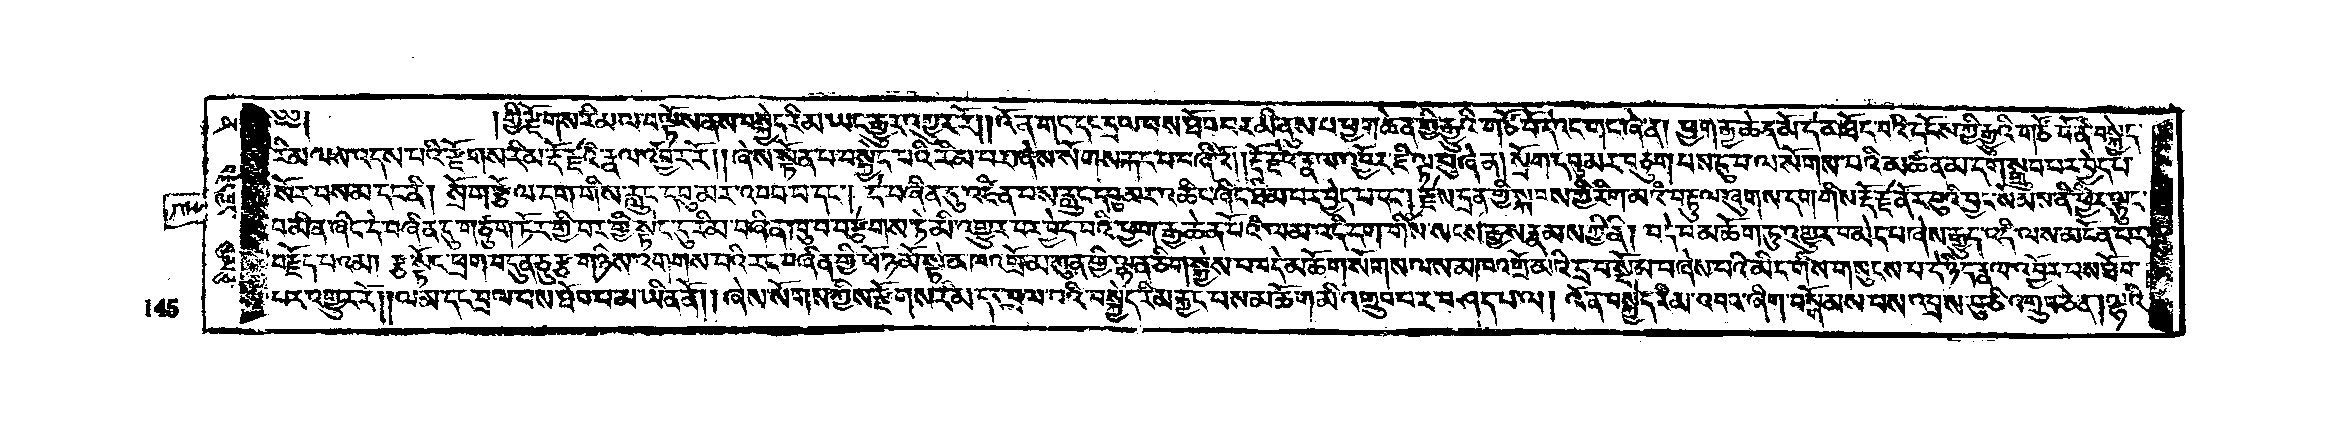༄༅། །གྱི་རྫོགས་རིམ་ལ་བལྟོས་ནས་བསྐྱེད་རིམ་ཡང་རྒྱུར་འགྱུར་རོ། །འོ་ན་གང་དང་བྲལ་བས་ཐོབ་པར་མི་ནུས་པ་ཕྱག་ཆེན་གྱི་རྒྱུའི་གཙོ་བོ་དེའང་གང་ཞེ་ན། ཕྱག་རྒྱ་ཆེན་མོ་དེ་མཐོང་བའི་དངོས་ཀྱི་རྒྱུའི་གཙོ་བོ་ནི་བསྐྱེད་
རིམ་ལས་འདས་པའི་རྫོགས་རིམ་རྡོ་རྗེའི་རྣལ་འབྱོར་རོ། །ཞེས་སྟོན་པ་བསྐྱེད་པའི་རིམ་པར་ཞེས་སོགས་རྐང་པ་བཞིའོ། །རྡོ་རྗེའི་རྣལ་འབྱོར་ཇི་ལྟ་བུ་ཞེ་ན། སྲོག་དབུ་མར་བཅུག་པས་དུ་བ་ལ་སོགས་པའི་མཚན་མ་དག་སྒྲུབ་པར་བྱེད་པ་
སོར་བསམ་དང་ནི། སྲོག་རྩོལ་དག་གིས་རླུང་དབུ་མར་འབབ་པ་དང་། དེ་བཞིན་དུ་འཛིན་པས་རླུང་དབུ་མར་འཆིང་ཞིང་ཐིམ་པར་བྱེད་པ་དང་། རྗེས་དྲན་གྱི་སྐབས་ཀྱི་རིག་མའི་བརྟུལ་ཞུགས་དག་གིས་རྡོ་རྗེ་ནོར་བུའི་བྱང་སེམས་ནི་ཕྱིར་ལྟུང་
བ་མིན་ཞིང་དེ་བཞིན་དུ་གཙུག་ཏོར་གྱི་བར་གྱི་སྟེང་དུ་རིམ་བཞིན་ཁུ་བ་བརྩེགས་ཏེ་མི་འགྱུར་བར་བྱེད་བའི་ཕྱག་རྒྱ་ཆེན་པོའི་ལམ་འདི་དག་གིས་སངས་རྒྱས་རྣམས་ཀྱི་ནི། བདེ་བ་མཆོག་ཏུ་འགྱུར་བ་མེད་པ་ཞེས་རྒྱུད་འདི་ལས་མངོན་པར་
བརྗོད་པའམ། རྩ་སྟོང་ཕྲག་བདུན་ཅུ་རྩ་གཉིས་འགགས་པའི་རང་བཞིན་གྱི་ཕོ་ཉ་མོ་སྟེ་མཁའ་འགྲོ་མ་ཀུན་གྱི་ལྷན་ཅིག་སྐྱེས་པ་བདེ་མཆོག་སོགས་ལས་མཁའ་འགྲོ་མའི་དྲ་བ་སྡོམ་པ་ཞེས་པའི་མིང་གིས་གསུངས་པ་དེ་ཉིད་རྣལ་འབྱོར་བས་ཐོབ་
པར་འགྱུར་རོ། །ལམ་དང་བྲལ་བས་ཐོབ་པ་མ་ཡིན་ནོ། །ཞེས་སོགས་ཀྱིས་རྫོགས་རིམ་དང་བྲལ་བའི་བསྐྱེད་རིམ་རྐྱང་པས་མཆོག་མི་འགྲུབ་པར་བཤད་པ་ལ། འོ་ན་བསྐྱེད་རིམ་འབའ་ཞིག་བསྒོམས་པས་འབྲས་བུ་ཅི་འགྲུབ་ཅེ་ན། ལྷའི་